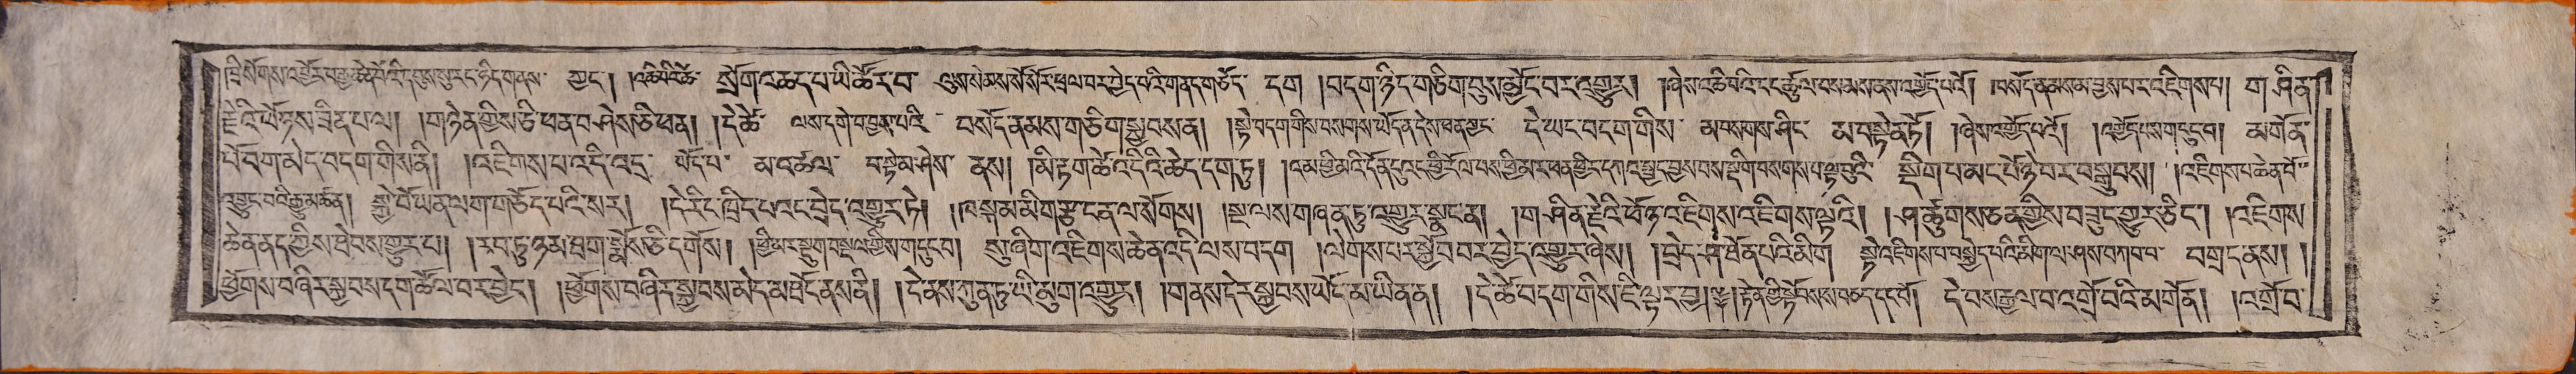ཁྲི་སོགས་འབྱོར་པ་རྒྱ་ཆེན་པོའི་དབུས་སུ་རང་ཉིད་གནས་ཀྱང་། །འཆི་བའི་ཚེ་སྲོག་འཆད་པ་ཡི་ཚོར་བ་ལུས་སེམས་སོ་སོར་ཕྲལ་བར་བྱེད་པའི་གནད་གཅད་དག །བདག་ཉིད་གཅིག་པུས་མྱོང་བར་འགྱུར། །ཞས་འཆི་བའི་ངང་ཚུལ་བསམས་ནས་བགྱོད་པའོ། ~།བསོད་ནམས་མ་བྱས་པར་འཇིགས་པ།  གཤིན་
རྗེའི་ཕོ་ཉས་ཟིན་པ་ལ། །གཉེན་གྱིས་ཅི་ཕན་བཤེས་ཅི་ཕན། །དེ་ཚེ་ལས་དགེ་བ་བྱས་པའི་བསོད་ནམས་གཅིག་སྐྱབས་ན། །སྟེ་བདག་གིས་བསགས་ཡོད་ན་དེས་ཕན་ཀྱང་དེ་ཡང་བདག་གིས་མ་བསགས་ཤིང་མ་བསྟེན་ཏོ། །ཞེས་འགྱོད་པའོ། །འགྱོད་པས་གདུང་བ།  མགོན་
པོ་བག་མེད་བདག་གིས་ནི། །འཇིགས་པ་འདི་འདྲ་ཡད་པ་མ་འཚལ་བ་སྟེ་མ་ཤེས་ནས། །མི་རྟག་ཚེ་འདིའི་ཆེད་དག་ཏུ། །འམ་ཕྱི་མའི་དོན་དུ་འང་ཕྱི་རོལ་པས་ཕྱི་མར་ཕན་ཕྱིར་དཀའ་སྤྱད་བྱས་པས་སྡིག་བསགས་པ་ལྟ་བུའི་སྡིག་པ་མང་པོ་ཉེ་བར་བསྒྲུབས། །འཇིགས་པ་ཆེན་པོ་
འབྱུང་བའི་རྒྱུ་མཚན། སྐྱེ་བོ་ཡན་ལག་གཅོད་པའི་སར། །དེ་རིང་ཁྲིད་པའང་བྱེད་འགྱུར་ཏེ། །ཁ་སྐམ་མིག་རྩ་ངན་ལ་སོགས། །སྔ་ལས་གཞན་ཏུ་འགྱུར་སྣང་ན། །གཤིན་རྗེའི་ཕོ་ཉ་འཇིགས་འཇིགས་ལྟའི། །ཤ་ཚུགས་ཅན་གྱིས་བཟུང་གྱུར་ཅིང་། །འཇིགས་
ཆེན་ནད་ཀྱིས་ཐེབས་གྱུར་པ། །རབ་ཏུ་ཉམ་ཐག་སྨོས་ཅི་དགོས། །ཕྱི་མར་སྡུག་བསྔལ་གྱིས་གདུང་བ།  སུ་ཞིག་འཇིགས་ཆེན་འདི་ལས་བདག །ལེགས་པར་སྐྱོབ་པར་བྱེད་འགྱུར་ཞེས། །བྱེད་ཤ་ཐོན་པའི་མིག་སྟེ་འཇིགས་པ་བསྐྱེད་པའི་མིག་ལ་ཤས་བཀབ་པ་བགྲད་ནས། །
ཕྱོགས་བཞུར་སྐྱབས་དག་ཚོལ་བར་བྱེད། །ཕྱོགས་བཞིར་སྐྱབས་མེད་མཐོང་ནས་ནི། །དེ་ནས་ཀུན་ཏུ་ཡི་མུག་འགྱུར། །གནས་དེར་སྐྱབས་ཡོད་མ་ཡིན་ན། །དེ་ཚེ་བདག་གིས་ཇི་ལྟར་བྱ། ༈ །རྟེན་གྱི་སྟོབས་ས་བཅད་དང་པོ།  དེ་བས་རྒྱལ་བ་འགྲོ་བའི་མགོན། །འགྲོ་བ་